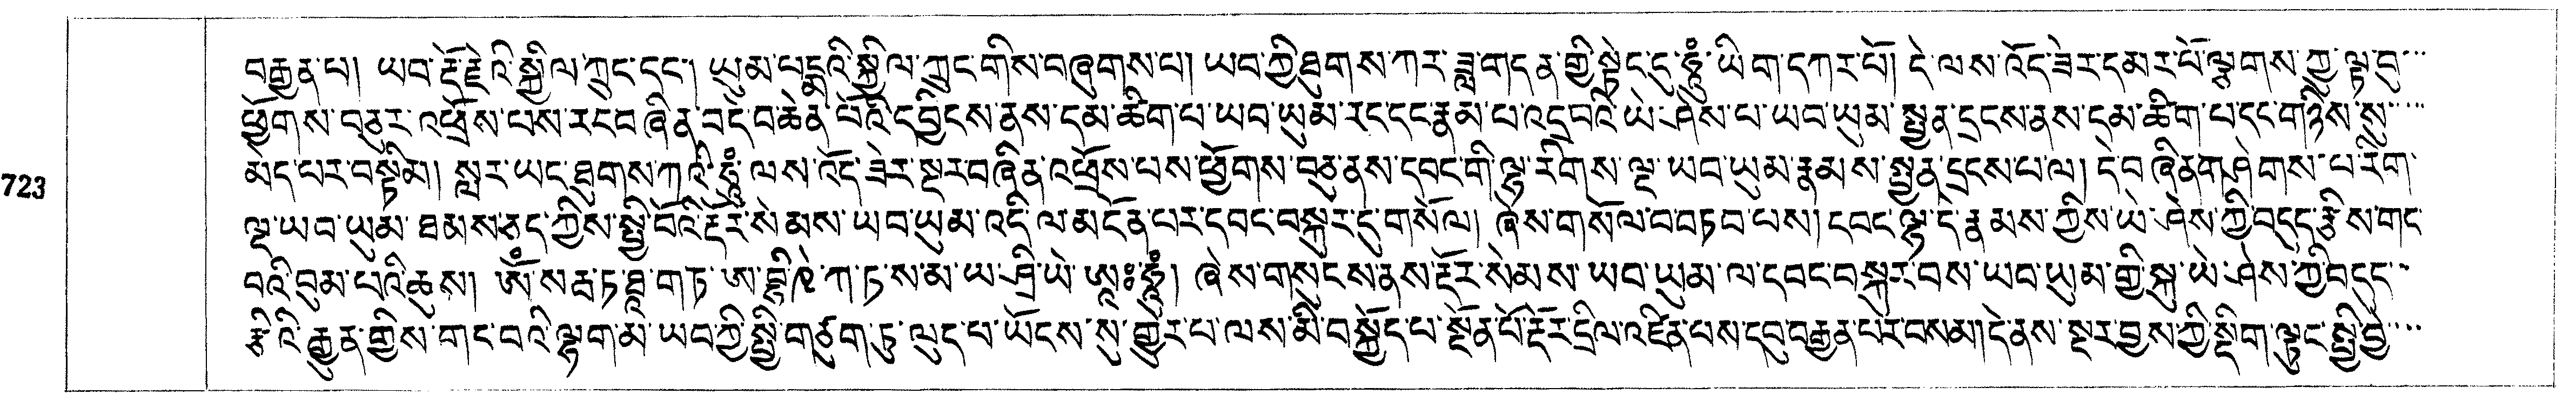བརྒྱན་པ། ཡབ་རྡོ་རྗེའི་སྐྱིལ་ཀྲུང་དང་། ཡུམ་པདམའི་སྐྱིལ་ཀྲུང་གིས་བཞུགས་པ། ཡབ་ཀྱི་ཐུགས་ཀར་ཟླ་གདན་གྱི་སྟེང་དུ་ཧཱུཾ་ཡིག་དཀར་པོ། དེ་ལས་འོད་ཟེར་དམར་པོ་ལྕགས་ཀྱུ་ལྟ་བུ་
ཕྱོགས་བཅུར་འཕྲོས་པས་རང་བཞིན་བདེ་བ་ཆེན་པོའི་དབྱིངས་ནས་དམ་ཚིག་པ་ཡབ་ཡུམ་རང་དང་རྣམ་པ་འདྲ་བའི་ཡེ་ཤེས་པ་ཡབ་ཡུམ་སྤྱན་དྲངས་ནས་དམ་ཚིག་པ་དང་གཉིས་སུ་
མེད་པར་བསྟིམ། སླར་ཡང་ཐུགས་ཀའི་ཧཱུཾ་ལས་འོད་ཟེར་སྔར་བཞིན་འཕྲོས་པས་ཕྱོགས་བཅུ་ནས་དབང་གི་ལྷ་རིགས་ལྔ་ཡབ་ཡུམ་རྣམས་སྤྱན་དྲངས་པ་ལ། དེ་བཞིན་གཤེགས་པ་རིག་
ལྔ་ཡབ་ཡུམ་ཐམས་ཅད་ཀྱིས་སྤྱི་བོའི་རྡོར་སེམས་ཡབ་ཡུམ་འདི་ལ་མངོན་པར་དབང་བསྐུར་དུ་གསོལ། ཞེས་གསོལ་བ་བཏབ་པས། དབང་ལྷ་དེ་རྣམས་ཀྱིས་ཡེ་ཤེས་ཀྱི་བདུད་རྩིས་གང་
བའི་བུམ་པའི་ཆུས། ཨོཾ་སརྦ་ཏ་ཐཱ་ག་ཏ་ཨ་བྷི་ཥེ་ཀ་ཏ་ས་མ་ཡ་ཤྲི་ཡེ་ཨཱཿ ཧཱུཾ། ཞེས་གསུངས་ནས་རྡོར་སེམས་ཡབ་ཡུམ་ལ་དབང་བསྐུར་བས་ཡབ་ཡུམ་གྱི་སྐུ་ཡེ་ཤེས་ཀྱི་བདུད་
རྩིའི་རྒྱུན་གྱིས་གང་བའི་ལྷག་མ་ཡབ་ཀྱི་སྤྱི་གཙུག་ཏུ་ལུད་པ་ཡོངས་སུ་གྱུར་པ་ལས་མི་བསྐྱོད་པ་སྔོན་པོ་རྡོར་དྲིལ་འཛིན་པས་དབུ་བརྒྱན་པར་བསམ། དེ་ནས་སྔར་བྱས་ཀྱི་སྡིག་ལྟུང་སྤྱི་བྱེ་